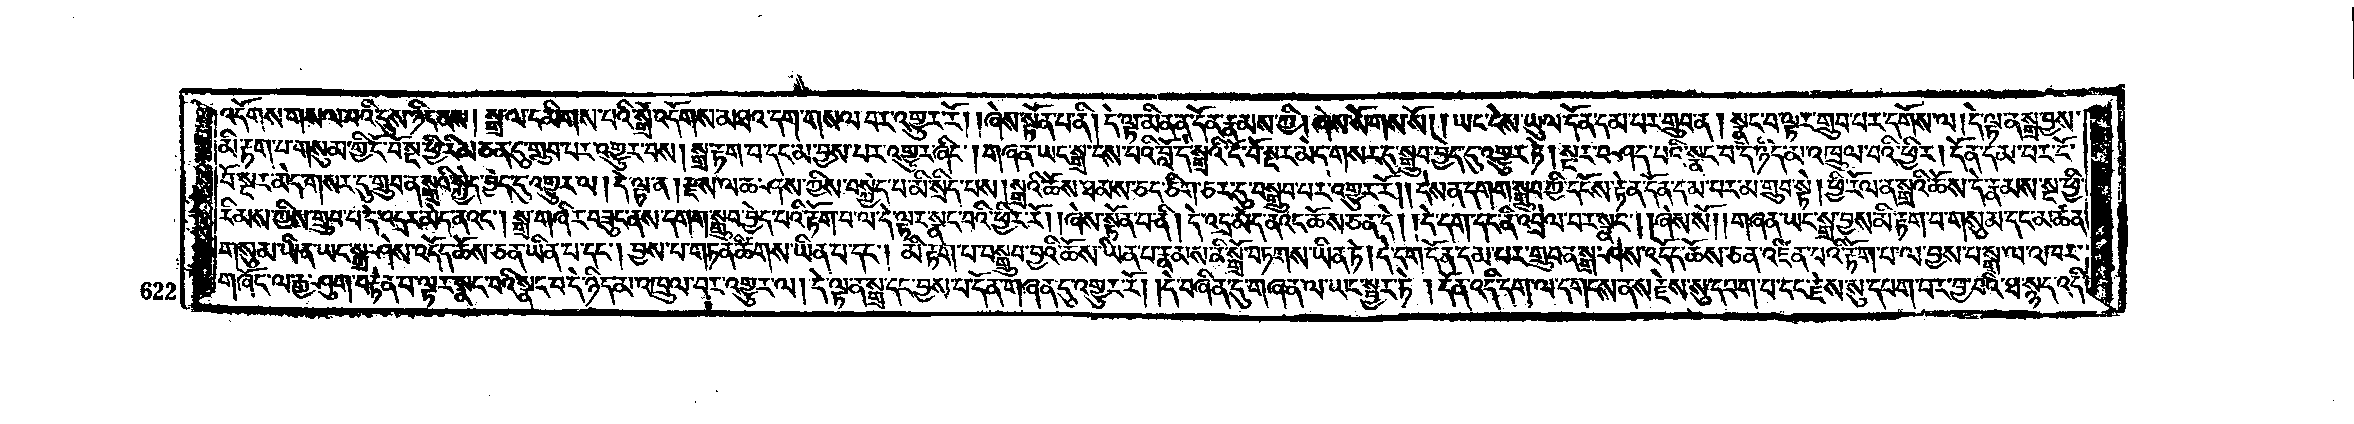འདོགས་གསལ་བའི་དུས་ཉིད་ནས། སྒྲ་ལ་དམིགས་པའི་སྒྲོ་འདོགས་མཐའ་དག་གསལ་བར་འགྱུར་རོ། །ཞེས་སྟོན་པ་ནི། དེ་ལྟ་མིན་ན་དོན་རྣམས་ཀྱི། ཞེས་སོགས་སོ། །ཡང་ངེས་ཡུལ་དོན་དམ་པར་གྲུབ་ན། སྣང་བ་ལྟར་གྲུབ་པ་དགོས་ལ། དེ་ལྟ་ན་སྒྲ་བྱས་
མི་རྟག་པ་གསུམ་གྱི་ངོ་བོ་སྔ་ཕྱི་རིམ་ཅན་དུ་གྲུབ་པར་འགྱུར་པས། སྒྲ་རྟག་པ་དང་མ་བྱས་པར་འགྱུར་ཞིང་། གཞན་ཡང་སྒྲ་ངེས་པའི་བློ་དེ་སྒྲའི་ངོ་བོ་སྔར་མེད་གསར་དུ་སྒྲུབ་བྱེད་དུ་འགྱུར་ཏེ། སྔར་བཤད་པའི་སྣང་བ་དེ་ཉིད་མ་འཁྲུལ་བའི་ཕྱིར། དོན་དམ་པར་ངོ་
བོ་སྔར་མེད་གསར་དུ་གྲུབ་སྒྲིབ་བྱེད་དུ་འགྱུར་ལ། དེ་ལྟ་ན། རྫས་ལ་ཆ་ཤས་ཀྱིས་བསྐྱེད་པ་མི་སྲིད་པས། སྒྲའི་ཆོས་ཐམས་ཅད་ཅིག་ཅར་དུ་བསྒྲུབ་པར་འགྱུར་རོ། །དེས་ན་དགག་སྒྲུབ་ཀྱི་དངོས་རྟེན་དོན་དམ་པར་མ་གྲུབ་སྟེ། ཕྱི་རོལ་ན་སྒྲའི་ཆོས་དེ་རྣམས་སྔ་ཕྱི་
རིམས་ཀྱིས་གྲུབ་པ་དེ་འདྲར་མེད་ནའང་། སྒྲ་གཞིར་བཟུང་ནས་དགག་སྒྲུབ་བྱེད་པའི་རྟོག་པ་ལ་དེ་ལྟར་སྣང་བའི་ཕྱིར་རོ། །ཞེས་སྟོན་པ་ནི། དེ་འདྲ་མེད་ནའང་ཆོས་ཅན་དེ། །དེ་དག་དང་ནི་འབྲེལ་བར་སྣང་། །ཞེས་སོ། །གཞན་ཡང་སྒྲ་བྱས་མི་རྟག་པ་གསུམ་དང་མཚན་
གསུམ་ཡིན་ཡང་སྒྲ་ཤེས་འདོད་ཆོས་ཅན་ཡིན་པ་དང་། བྱས་པ་གཏན་ཚིགས་ཡིན་པ་དང་། མི་རྟག་པ་བསྒྲུབ་བྱའི་ཆོས་ཡིན་པ་རྣམས་ནི་སྒྲོ་བཏགས་ཡིན་ཏེ། དེ་དག་དོན་དམ་པར་གྲུབ་ན་སྒྲ་ཤེས་འདོད་ཆོས་ཅན་འཛིན་པའི་རྟོག་པ་ལ་བྱས་པ་སྒྲ་ལ་འཁར་
གཞོང་ལ་རྒྱ་ཤུག་བརྟེན་པ་ལྟར་སྣང་བའི་སྣང་བ་དེ་ཉིད་མ་འཁྲུལ་པར་འགྱུར་ལ། དེ་ལྟ་ན་སྒྲ་དང་བྱས་པ་དོན་གཞན་དུ་འགྱུར་རོ། །དེ་བཞིན་དུ་གཞན་ལ་ཡང་སྦྱར་ཏེ། དོན་འདི་དག་ལ་དགོངས་ནས་རྗེས་སུ་དཔག་པ་དང་རྗེས་སུ་དཔག་པར་བྱ་བའི་ཐ་སྙད་འདི་